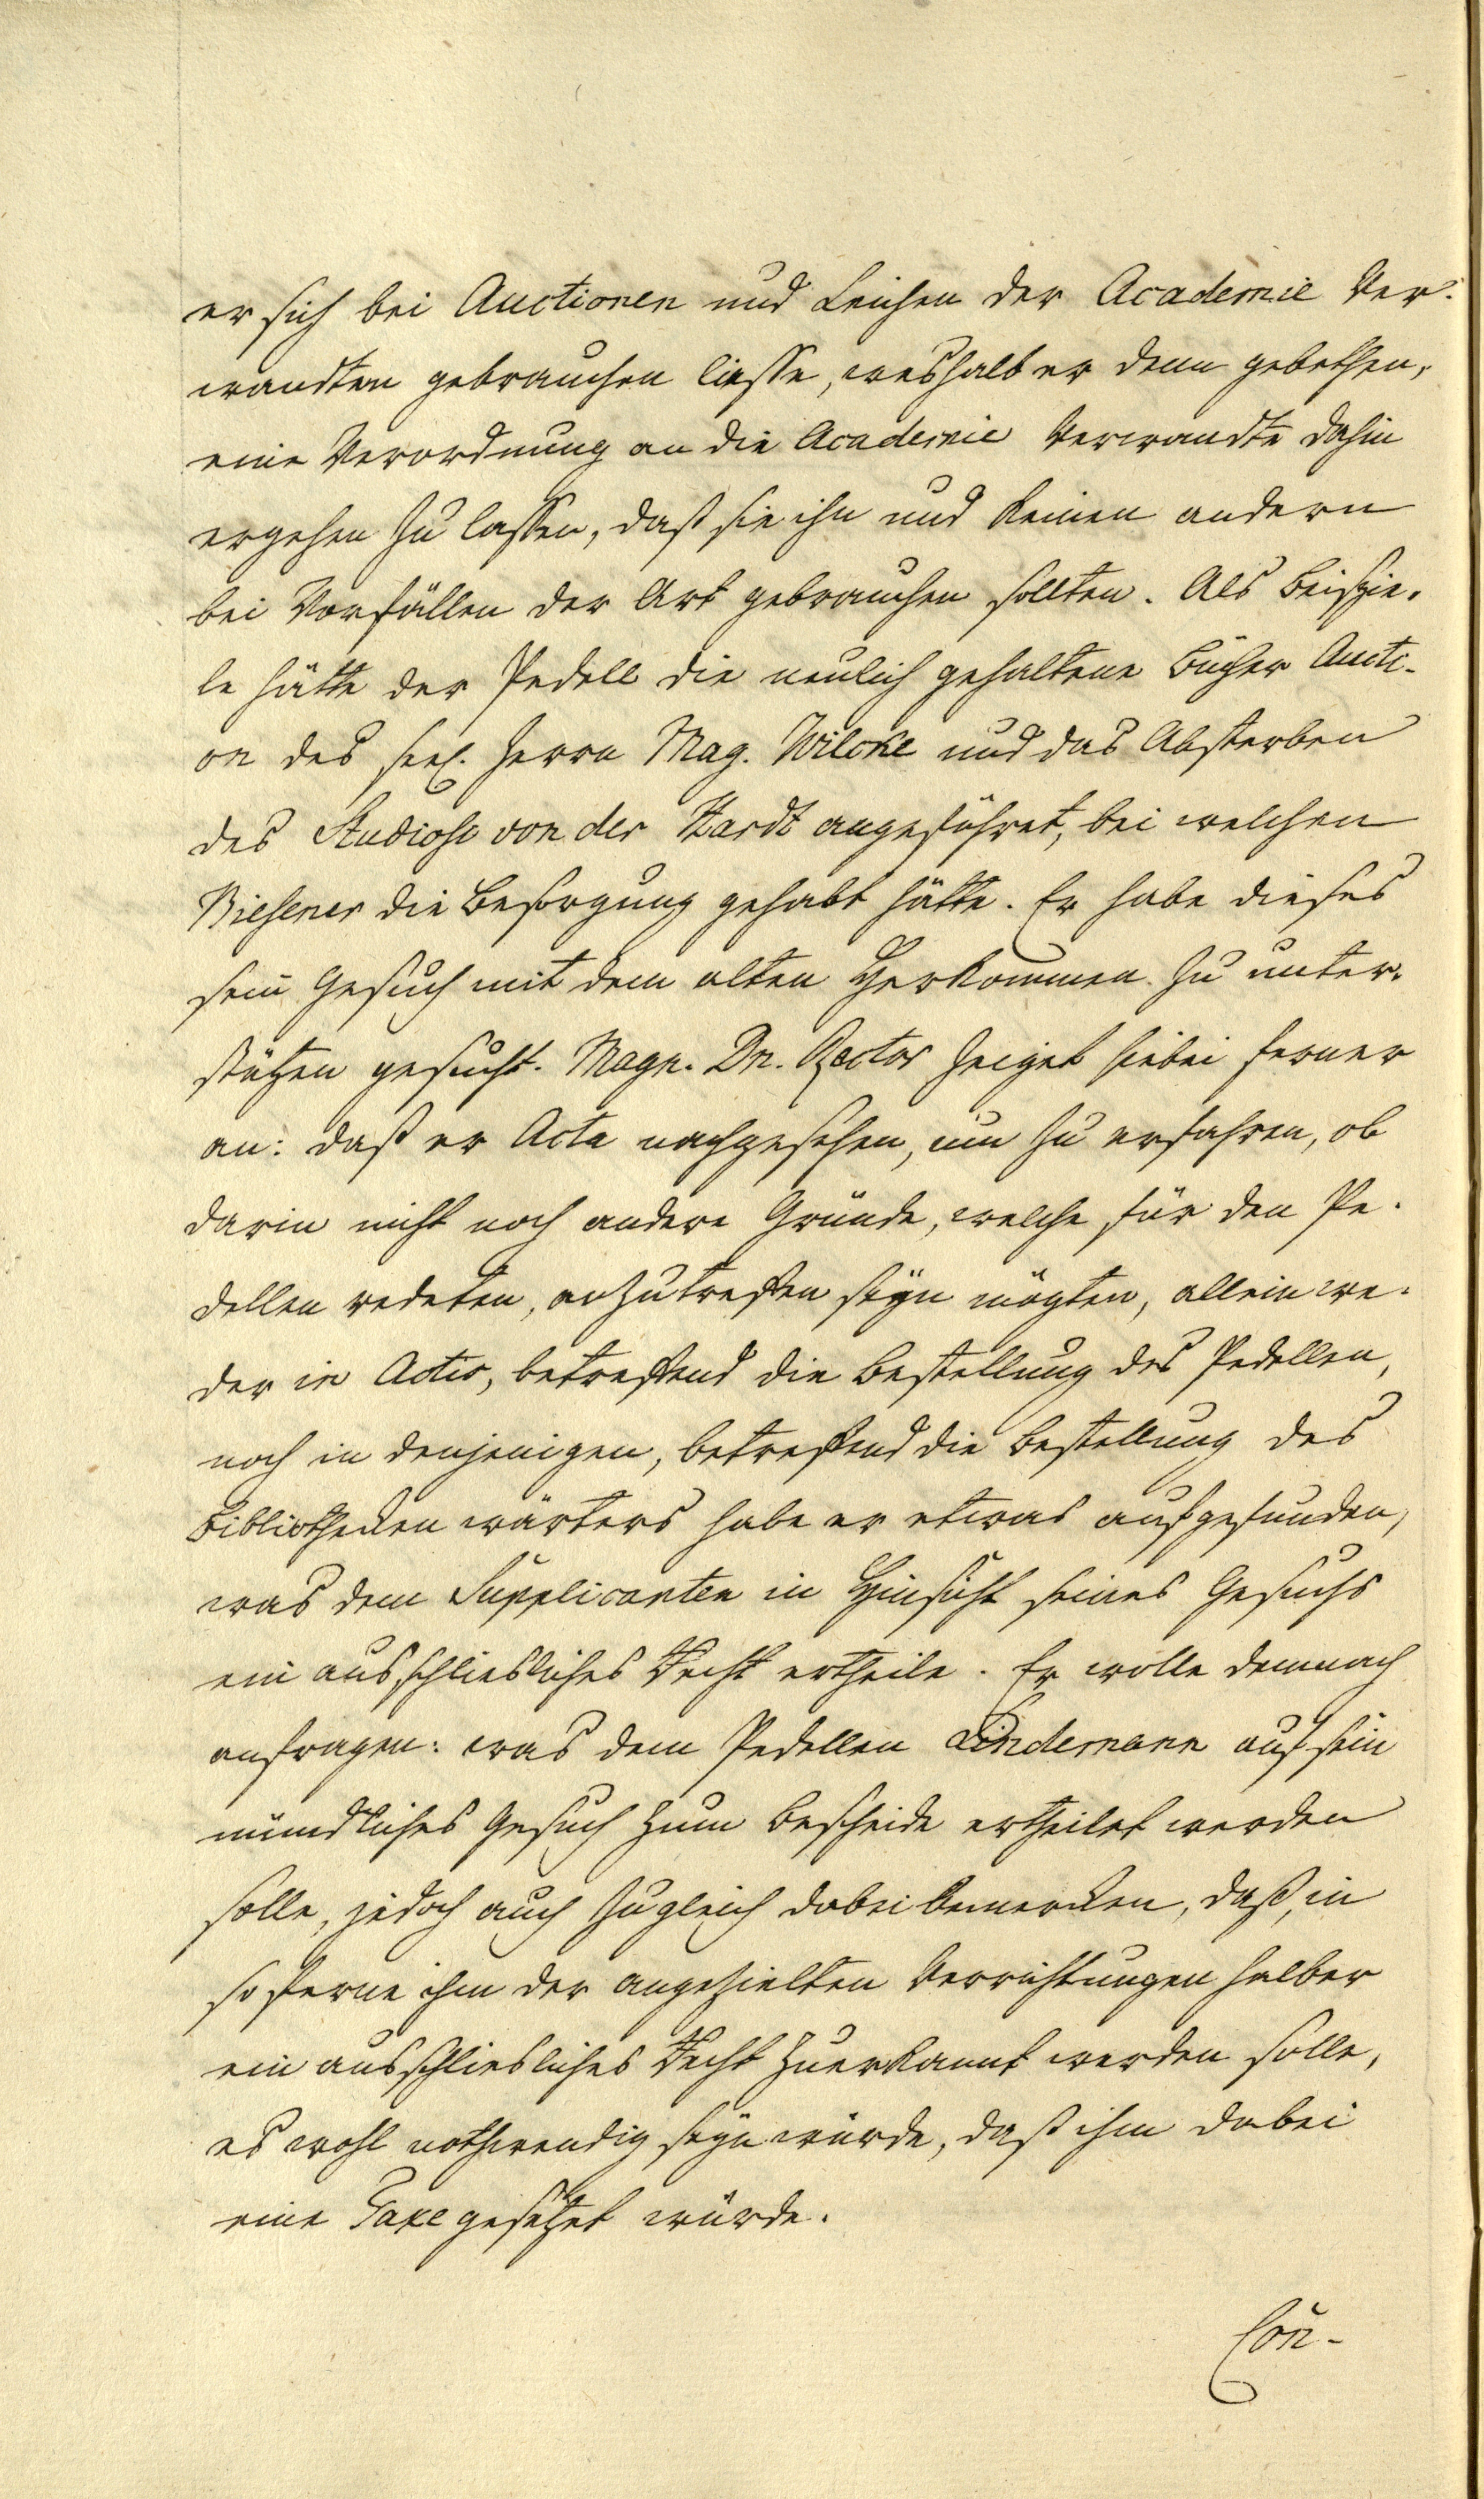er sich bei Auctionen und Leichen der Academie Ver¬
wandten gebrauchen lasse, weshalb er denn gebethen,
eine Verordnung an die Academie Verwandte dahin
ergehen zu lassen, daß sie ihn und keinen andern
bei Vorfällen der Art gebrauchen sollten. Als Beispie¬
le hätte der Pedell die neulich gehaltene Bücher Aucti¬
von des seel. Herrn Mag. Wilcke und das Absterben
des Studiosi von der Hardt angeführet, bei welchen
Biesener die Besorgung gehabt hätte. Er habe dieses
sein Gesuch mit dem alten Herkommen zu unter¬
stützen gesucht. Magn. Dn. Rector zeiget hiebei ferner
an: daß er Acta nachgeseten, um zu erfahren, ob
darin nicht noch andere Gründe, welche für den Pe¬
dellen redeten, anzutreten seÿn mögten, allein we¬
der in Actis, betreffend die Bestellung des Pedellen,
noch in denjenigen, betreffend die Bestellung des
Bibliothecken wärters habe er etwas aufgefunden,
was dem Supplicanten in Hinsicht seines Gesuchs
ein ausschliesliches Recht ertheile. Er wolle demnach
anfragen: was dem Pedellen Lindemann auf sein
mündliches Gesuch zum Bescheide ertheilet werden
solle, jedoch auch zugleich dabei bemercken, daß, in
so ferne ihm der angezielten Verrichtungen halber
ein ausschliesliches Recht zuerkannt werden solle,
es wohl nothwendig seÿn würde, daß ihm dabei
eine Taxe gesetzet würde.
Con